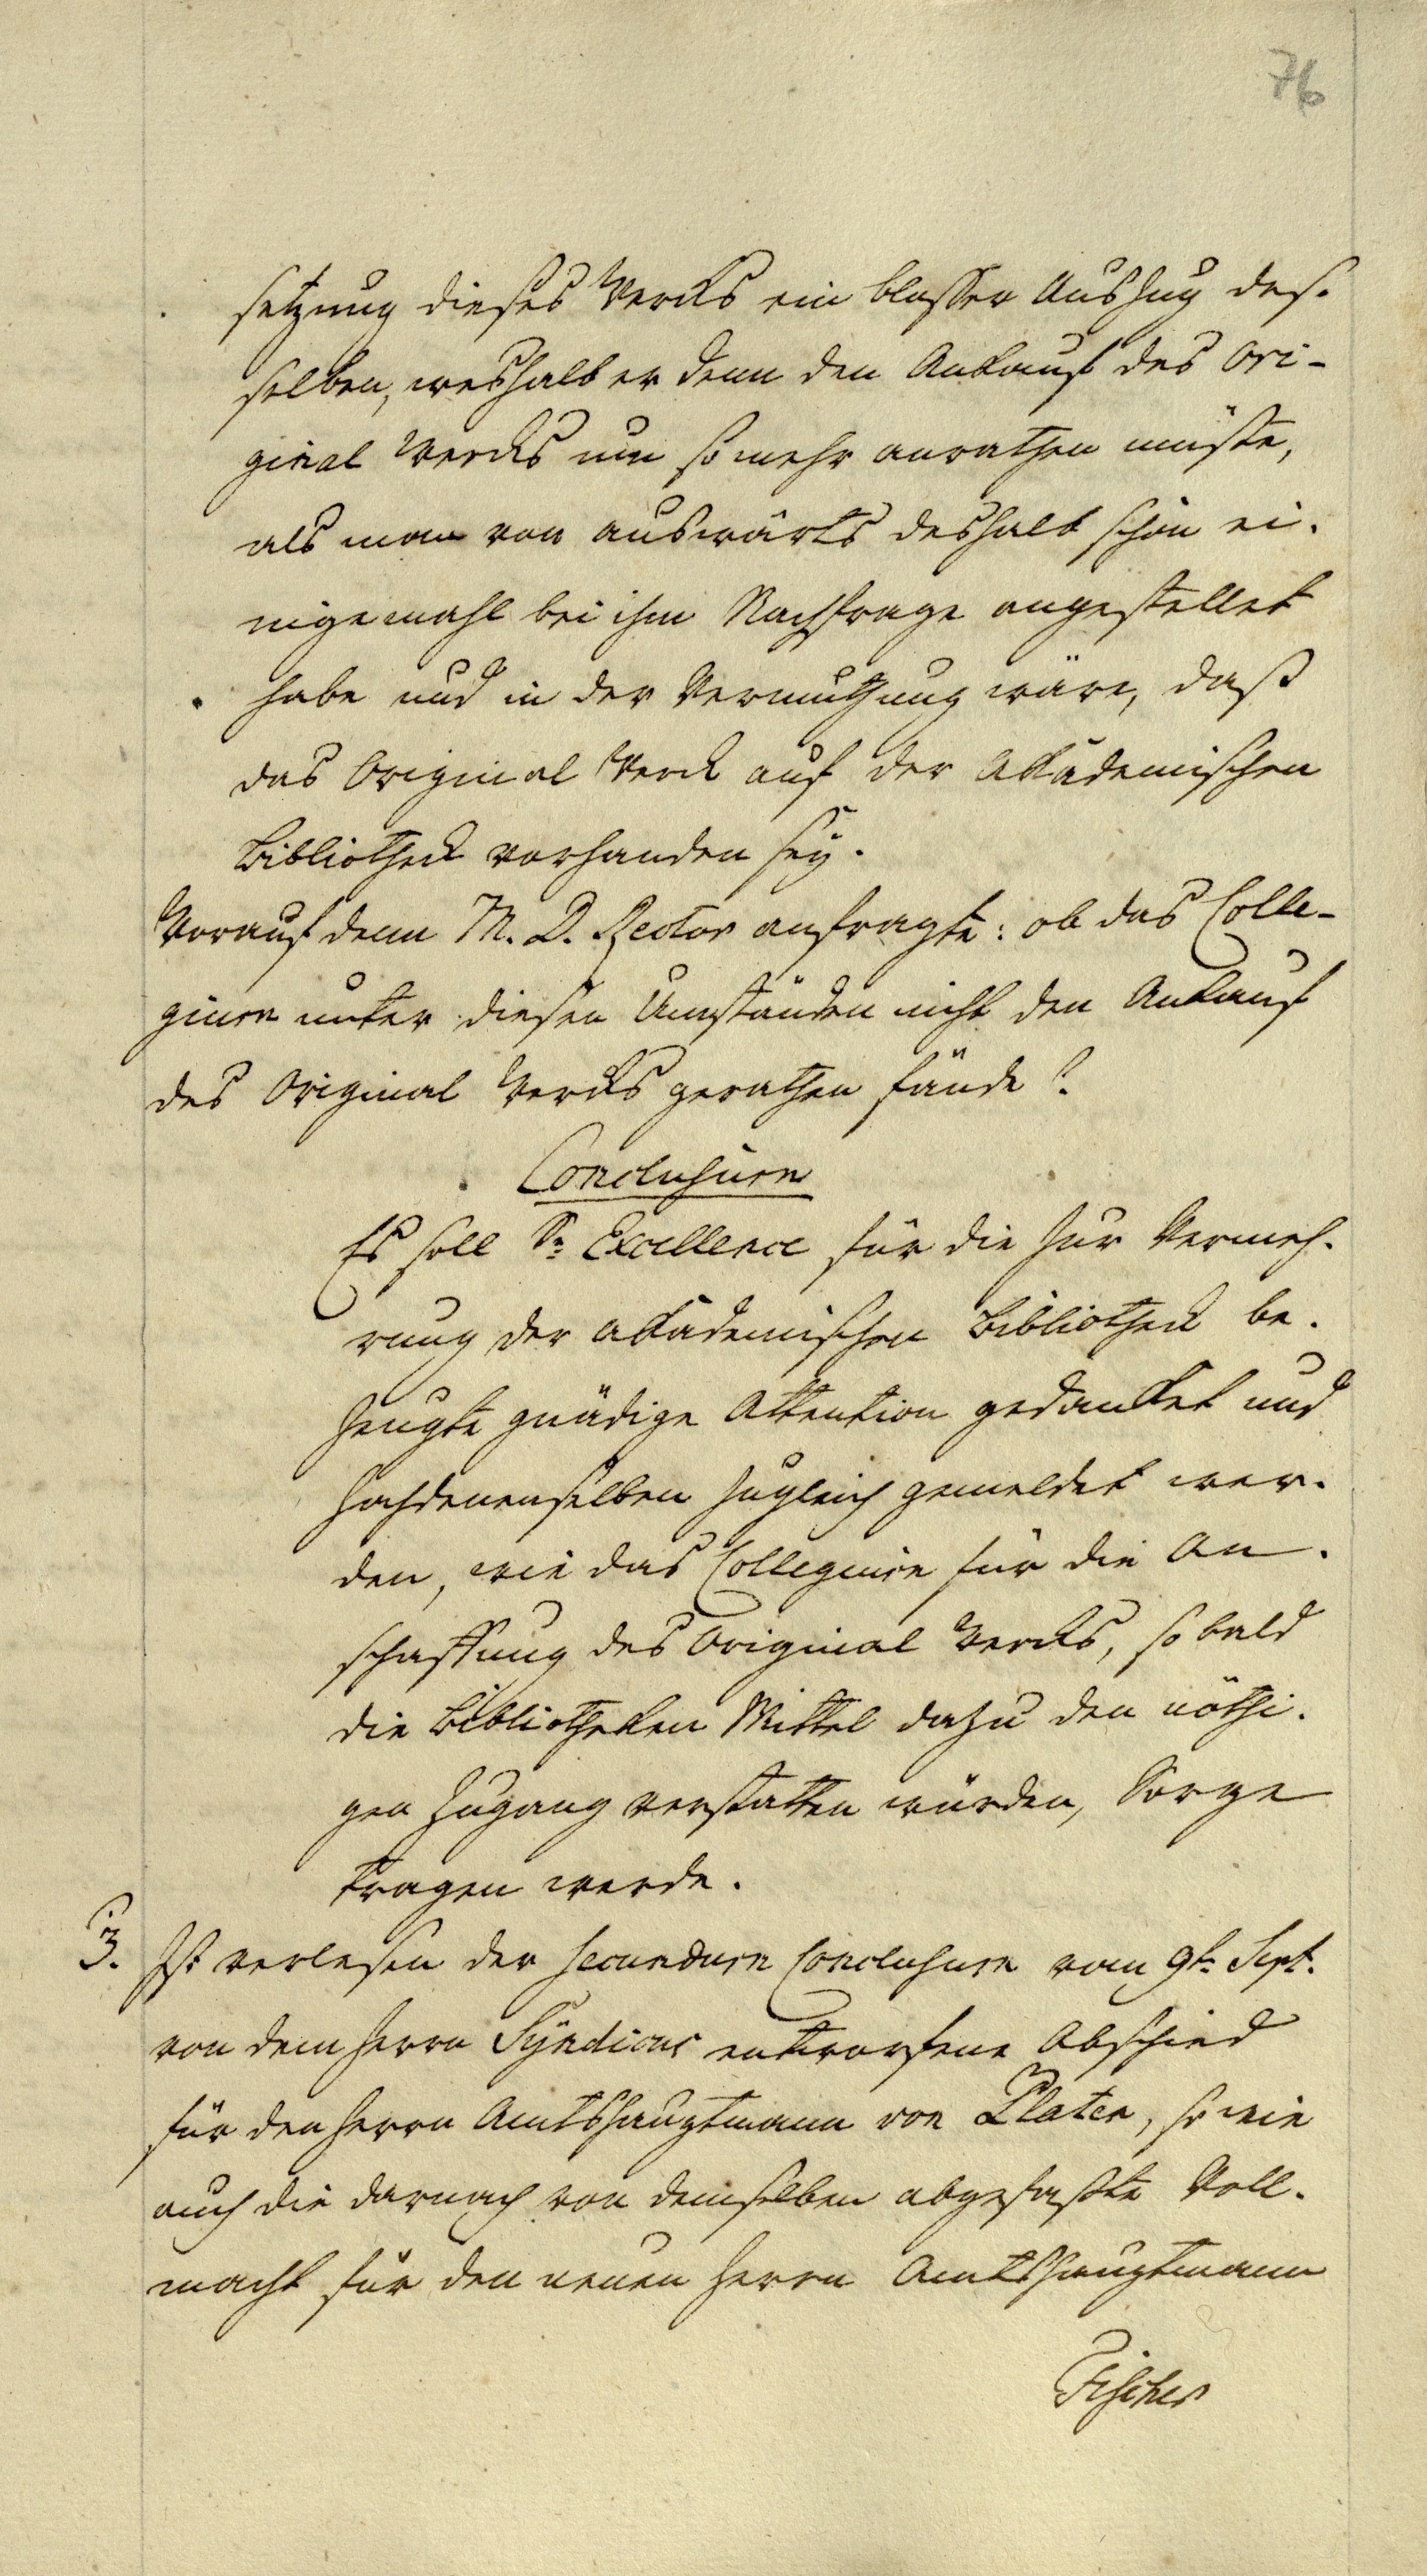setzung dieses Wercks ein blasser Auszug des¬
selben, weshalb er denn den Ankauf des Ori¬
ginal Wercks um so mehr anrathen müßte,
als man von auswärts deshalb schon ei¬
nigemahl bei ihm Nachfrage angestellet
habe und in der Vermuthung wäre, daß
das Original Werck auf der Akademischen
Bibliotheck vorhanden seÿ.
Worauf denn M. D. Rector anfragte: ob das Colle¬
gium unter diesen Umständen nicht den Ankauf
des Original Wercks gerathen fände?
Conclusum
Es soll Sr. Excellence für die zur Vermeh¬
rung der akademischen Bibliotheck be¬
zeugte gnädige Attention gedanket und
Hochdenenselben zugleich gemeldet wer¬
den, wie das Collegium für die An¬
schaffung des Original Wercks, so bald
die Bibliotheken Mittel dazu den nöthi¬
gen Zugang verstatten würden, Sorge
tragen werde.
3. Ist verlesen der secundum Conclusum vom 9 te Sept.
von dem Herrn Sÿndicus entworfene Abschied
für den Herrn Amtshauptmann von Platen, so wie
auch die darnach von demselben abgefaßte Voll¬
macht für den neuen Herrn Amtshauptmann
Fischer